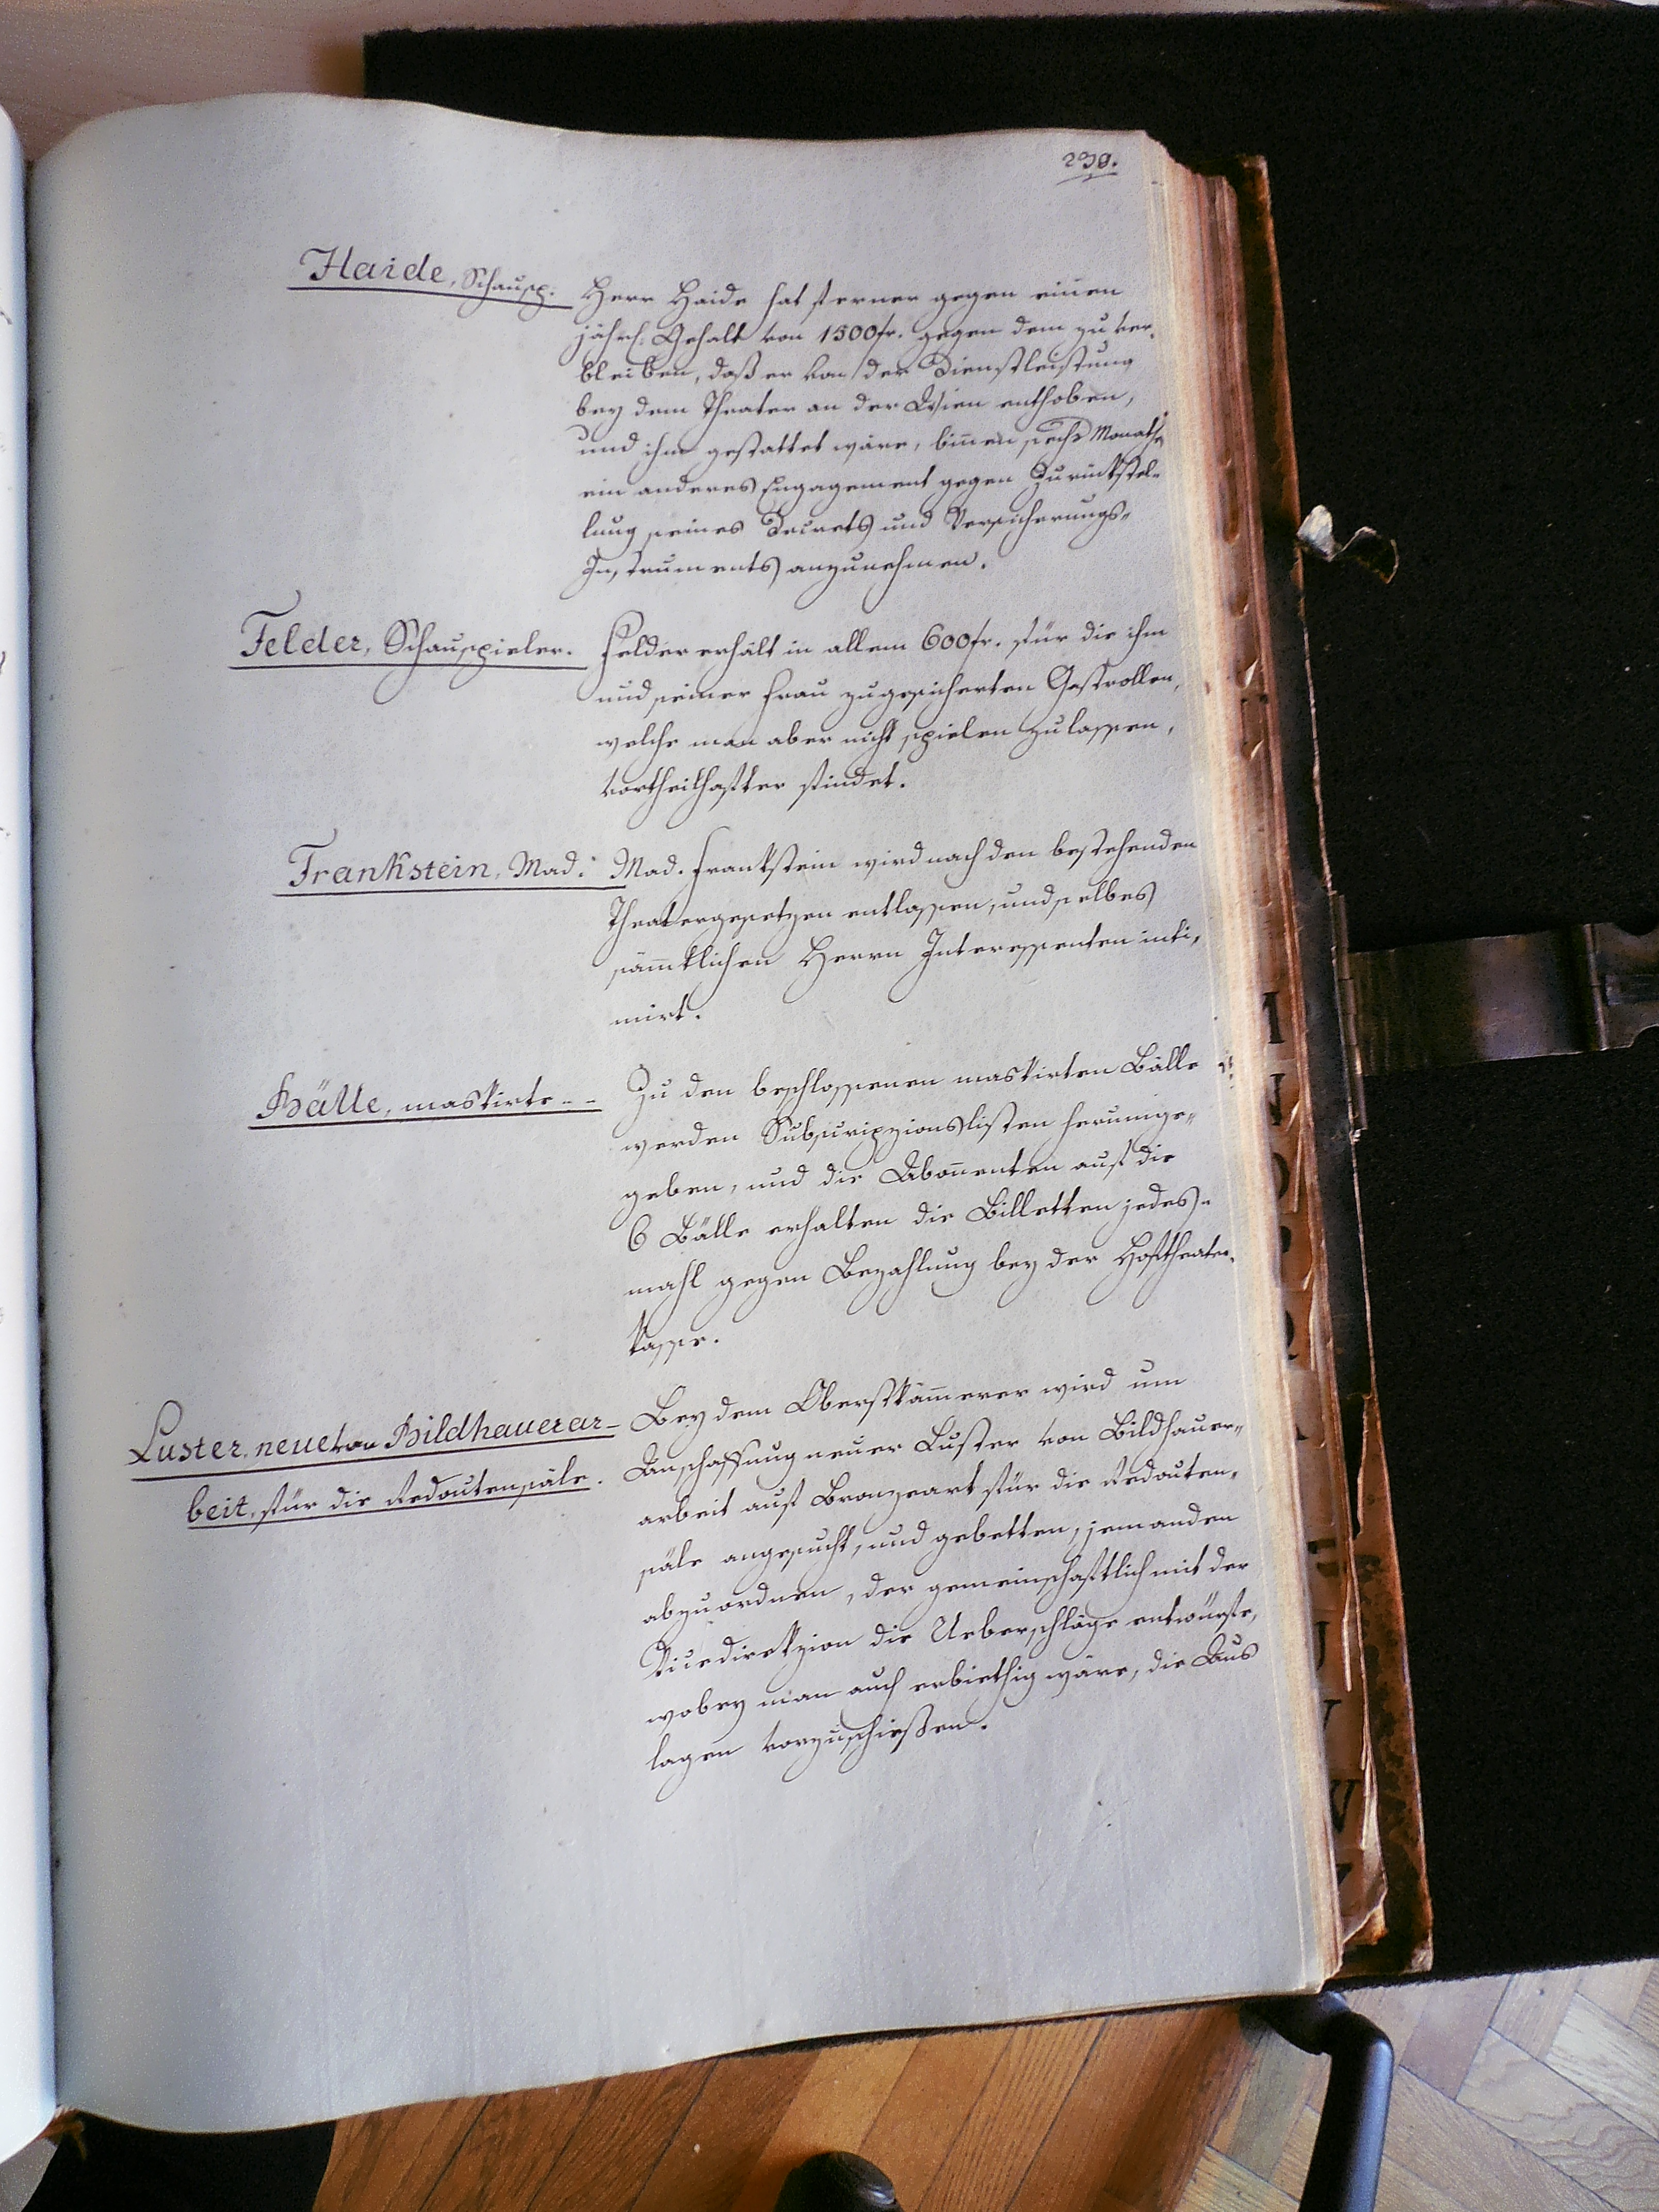239.
Haide, Schausp. Herr Haide hat ferner gegen einen
jährl. Gehalt von 1500fr. gegen dem zu ver¬
bleiben, daß er von der Dienstleistung
bey dem Theater an der Wien enthoben,
und ihm gestattet wäre, bin̅en, sechs Monathe
ein anderes Engagement gegen Zurückstel¬
lung seines Decrets und Versicherungs¬
Instruments anzunehmen.
Felder, Schauspieler. Felder erhält in allem 600fr. für die ihm
und seiner Frau zugesicherten Gastrollen,
welche man aber nicht spielen zulassen,
vortheilhafter findet.
Frankstein, Mad. Mad. Frankstein wird nach den bestehenden
Theatergesetzen entlassen, und selbes
säm̅tlichen Herrn Interessenten inti¬
mirt.
Bälle, maskirte .. .. Zu den beschlossenen maskirten Bälle
werden Subsuripzionslisten herumge¬
geben, und die Abon̅enten auf die
6 Bälle erhalten die Billetten jedes¬
mahl gegen Bezahlung bey der Hoftheater¬
kasse.
Luster, neue von Bildhauerar_
beit, für die Redoutensäle.
Bey dem Oberstkäm̅erer wird um
Anschaffung neuer Luster von Bildhauer¬
arbeit auf Bronzeart für die Redouten¬
säle angesucht, und gebetten, jemanden
abzuordnen, der gemeinschaftlich mit der
Vicedirekzion die Ueberschläge entwürfe,
wobey man auch erbiethig wäre, die Aus
lagen vorzuschießen.